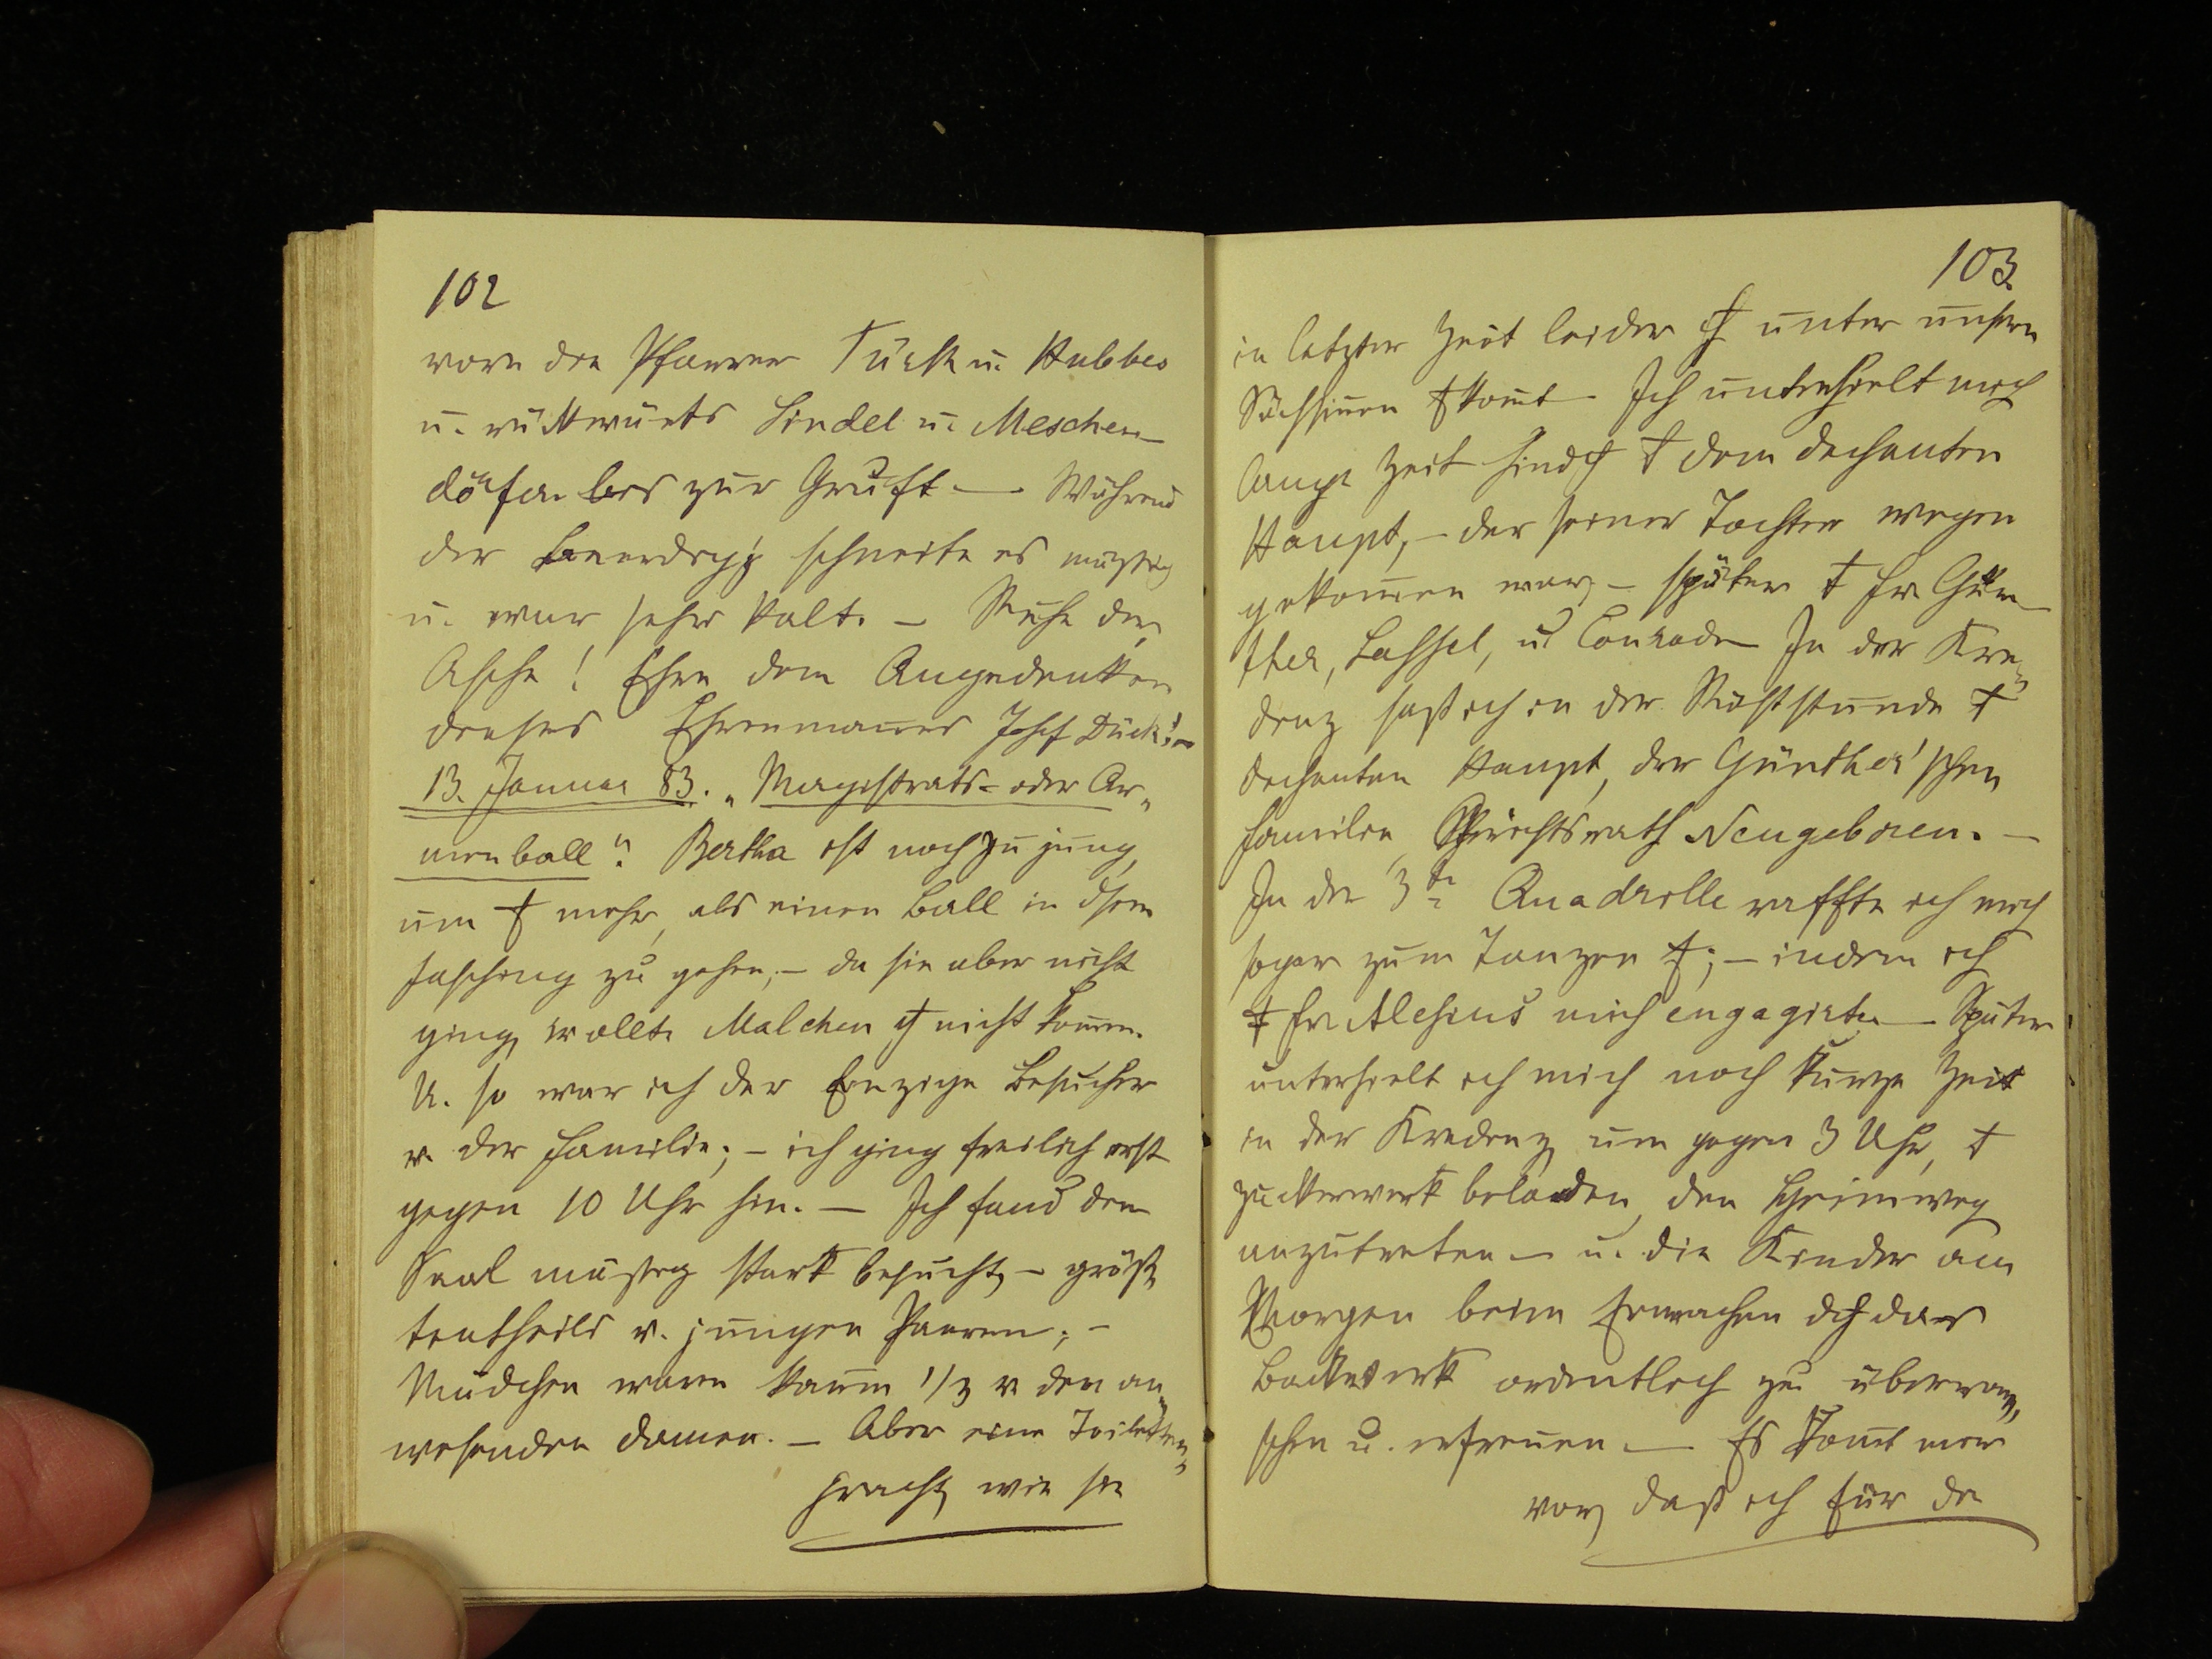102
vorn die Pfarrer Türk und Hubbes
und rückwärts Sindel und Meschen¬
dörfer bis zur Gruft. Während
der Beerdigung schneite es mäßig
und war sehr kalt. Ruhe deiner
Asche ! Ehre dem Angedenken
dieses Ehrenmannes Josef Dück.—
13. Januar 83. „Magistrats oder Ar¬
menball.“ Bertha ist noch zu jung
um auf mehr als einem Ball in diesem
Fasching zu gehen,-Da sie aber nicht
ging wollte Malchen auch nicht kommen.
Und so war ich der einzige Besucher
von der Familie,- ich ging freilich erst
gegen 10 Uhr hin.- Ich fand den
Saal mäßig stark besucht,- größ¬
tentheils von jungen Paaren;-
Mädchen waren kaum 1/3 von den an¬
wesenden Damen. – Aber ein Toiletten¬
pracht wie sie
103
in letzter Zeit leider auch unter unseren
Sächsinnen auf kommt.- Ich unterhielt mich
lange Zeit hindurch mit dem Dechanten
Haupt,- der seiner Tochter wegen
gekommen war- später mit Fr. Gün¬
ther, Lassel und Conradi. In der Kre¬
denz saß ich in der Neststunde mit
Dechanten Haupt der Günthters’che
Familien, Gerichtsrath Neugeboren.-
In der 3-ten Quadrille raffte ich mich
sogar zum Tanzen auf;- indem ich
mit Fr. Alesius mich engagierte. Später
unterhielt ich mich noch kurze Zeit
in der Kredenz um gegen 3 Uhr, mit
Zuckerwerk beladen, den Heimweg
anzutreten- und die Kinder am
Morgen beim Erwachen mit diesem
Backwerk ordentlich zu überra¬
schen und erfreuen,- Es kommt nur
vor daß ich für die